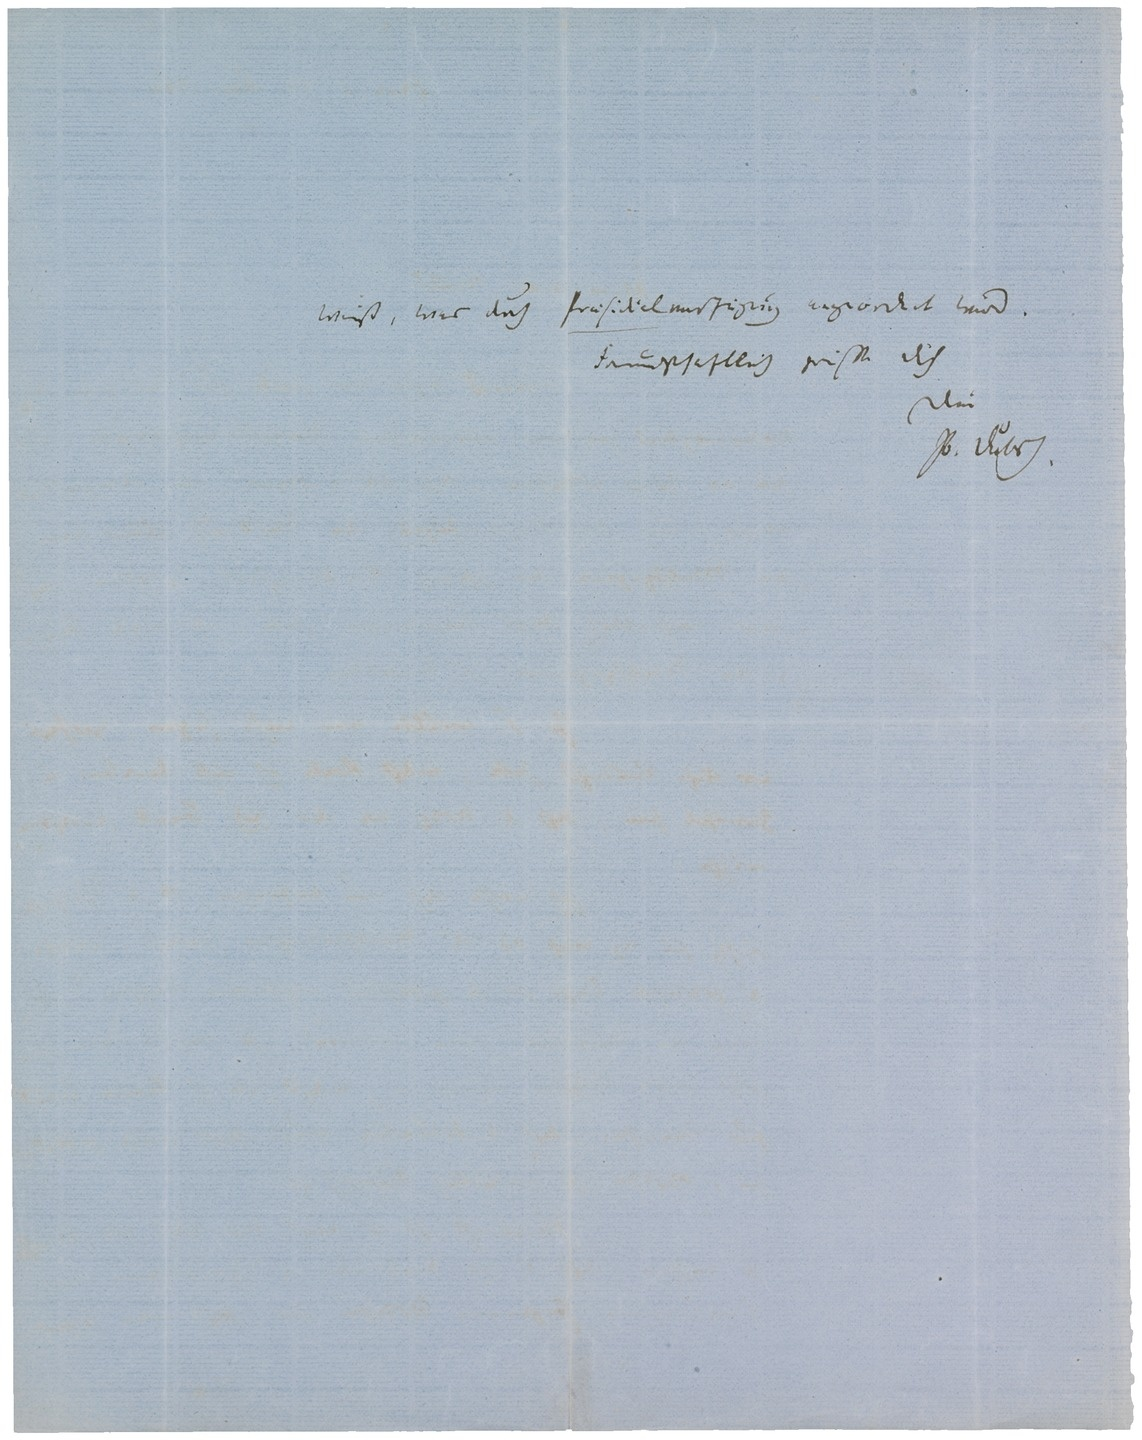weiß, was durch Präsidialverfügung angeordnet wird.
Freundschaftlich grüßt Dich
Dein
Jb. Dubs.